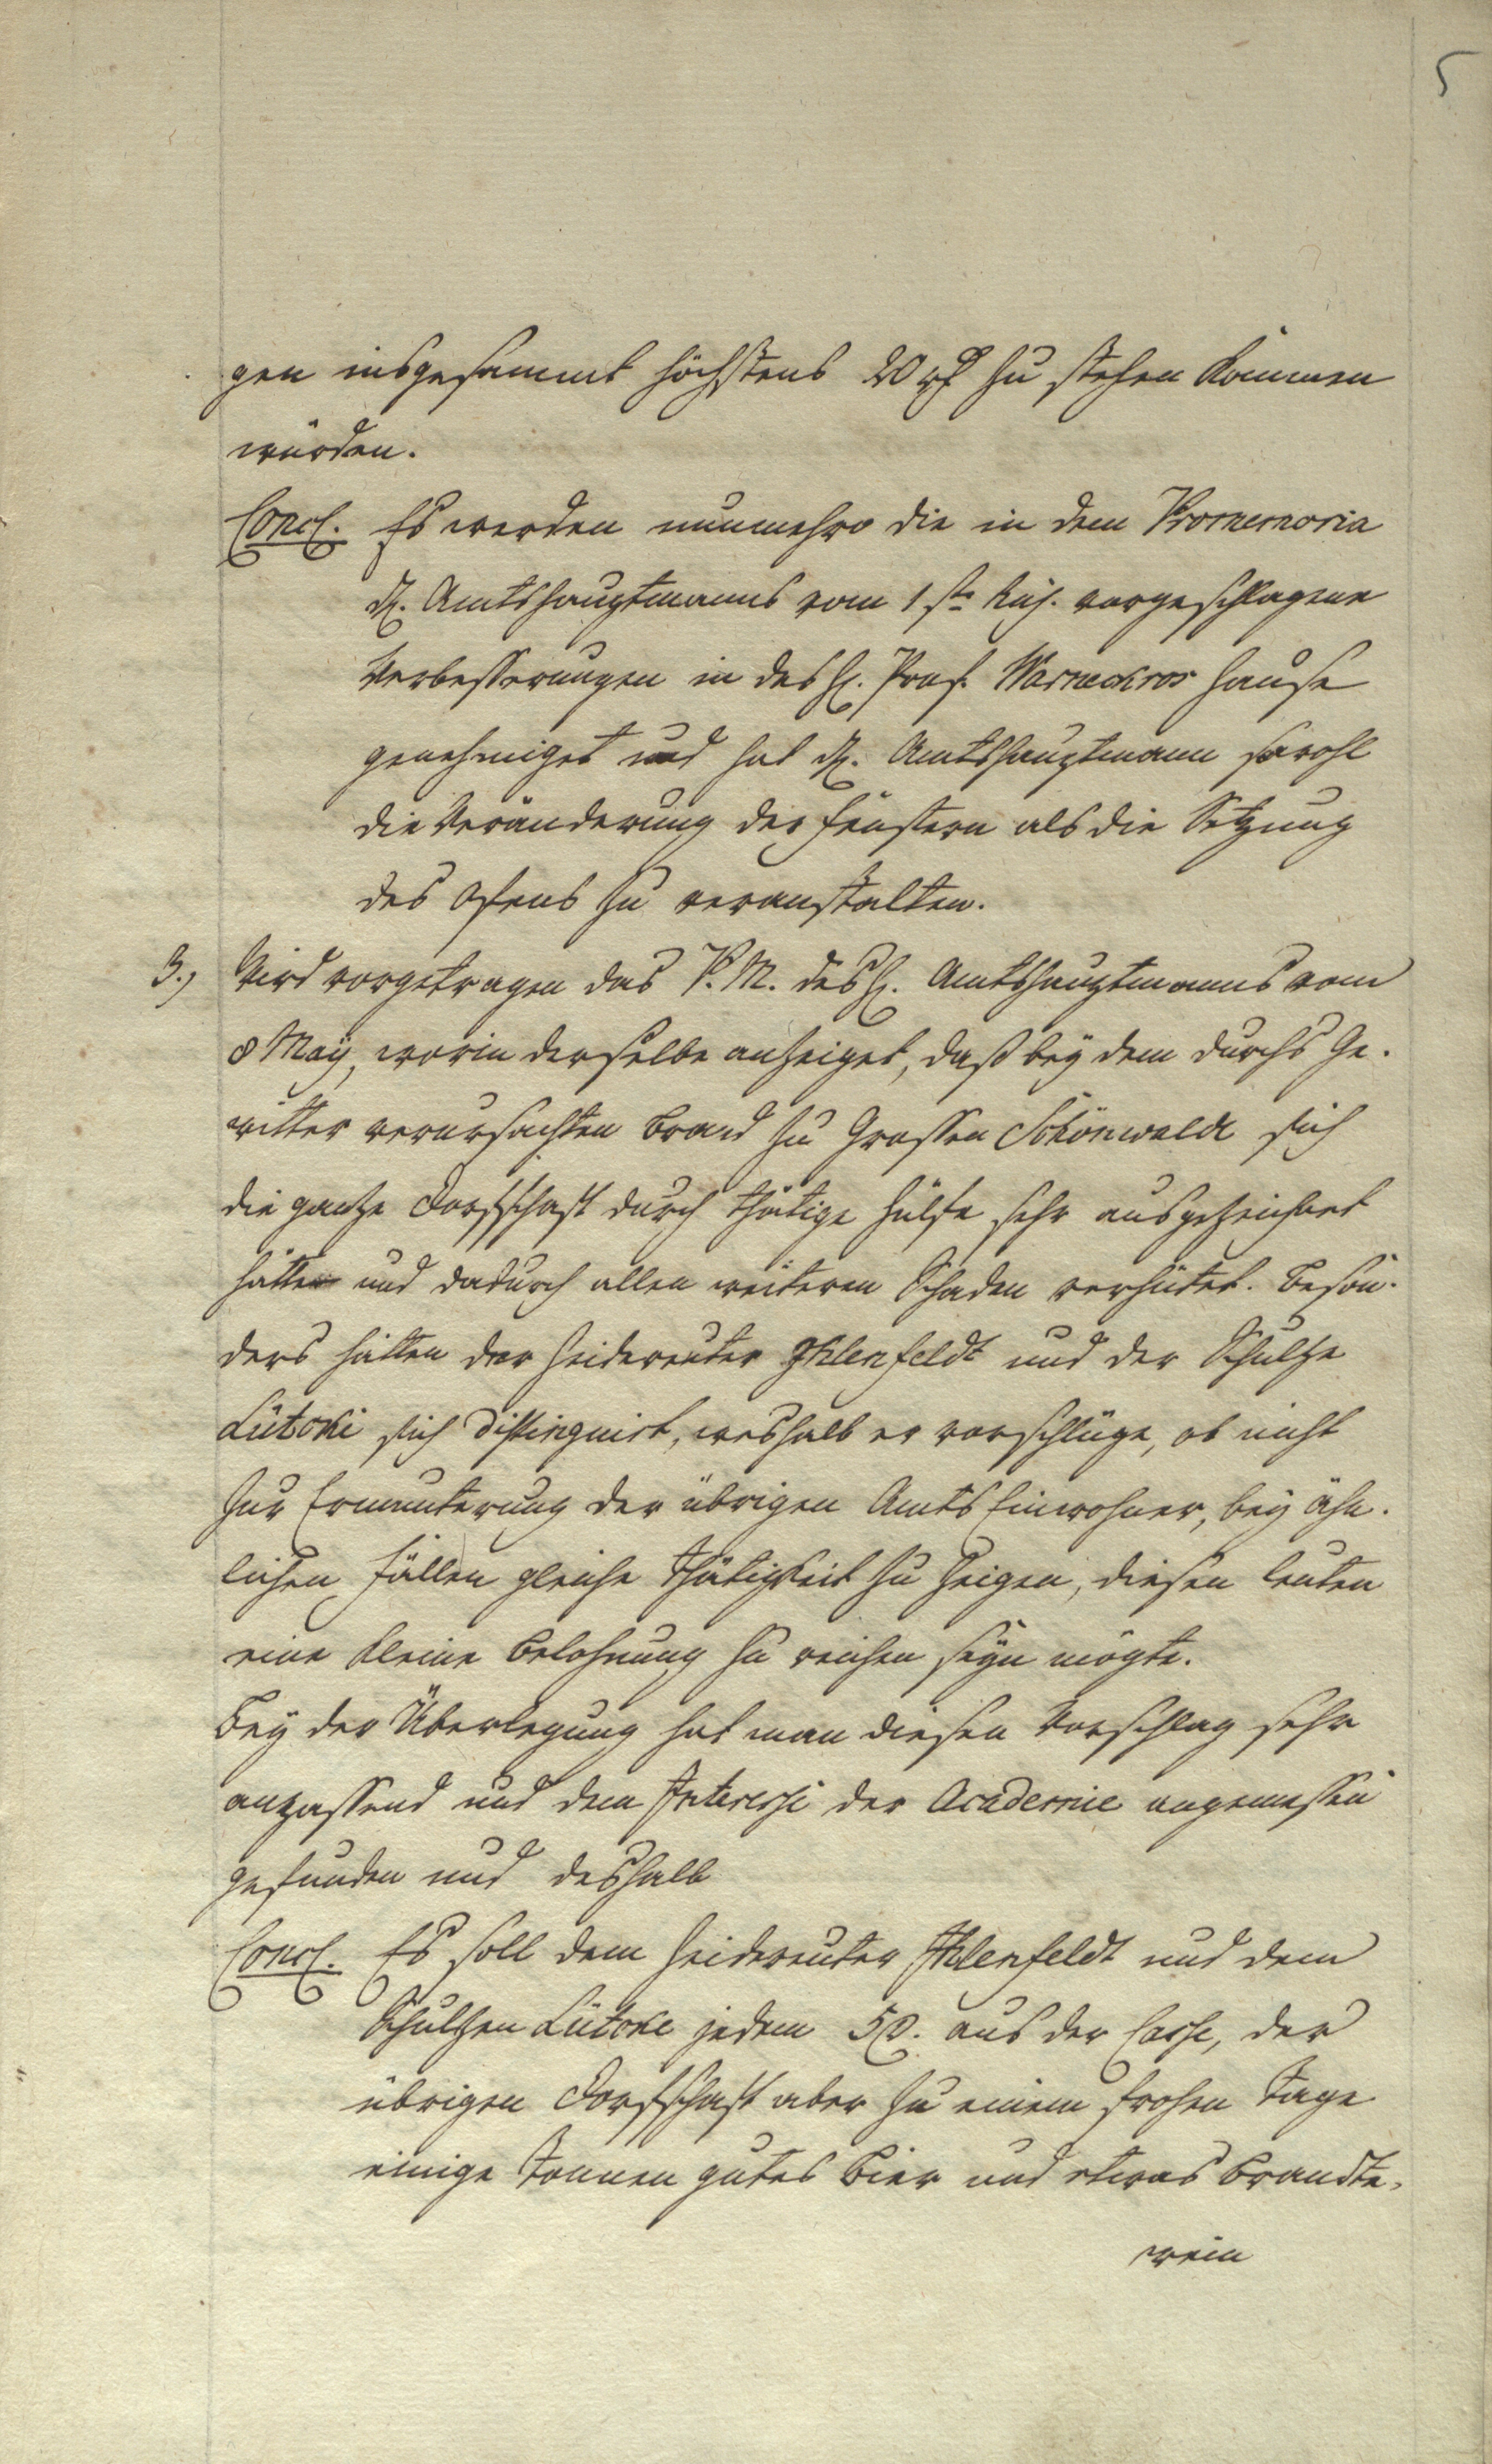gen insgesammt höchstens 20 rth zu stehen kommen
würden.
Concl. Es werden nunmehro die in dem Promemoria
dh. Amtshauptmanns vom 1sten huj. vorgeschlagene
Verbesserungen in des H. Prof. Warneckros Hause
genehmiget und hat dh. Amtshauptmann sowohl
die Veränderung der Fenstern als die Setzung
des Ofens zu veranstalten.
3., Wird vorgetragen das P. M. des H. Amtshauptmanns vom
8 May, worin derselbe anzeiget, daß bey dem durchs Ge¬
witter verursachten Brand zu Grossen Schönwalde sich
die ganze Dorfschaft durch thätige Hülfe sehr ausgezeichnet
hätte und dadurch allen weiteren Schaden verhütet. Beson¬
ders hätten der Heidereuter Ihlenfeldt und der Schulze
Lütcke sich distinguirt, weshalb er vorschlüge, ob nicht
zur Ermunterung der übrigen Amts Einwohner, bey ähn-
lichen Fällen gleiche Thätigkeit zu zeigen, diesen leuten
eine kleine Belohnung zu reichen seyn mögte.
Bey der Überlegung hat man diesen Vorschlag sehr
anpassend und den Interessi der Academie angemessen
gefunden und deshalb
Concl. Es soll dem Heidereuter Ihlenfeldt und dem
Schulzen Lütcke jedem 5 rtl. aus der Casse, der
übrigen Dorfschaft aber zu einem frohen Tage
einige Tonnen gutes Bier und etwas Brandte¬
wein